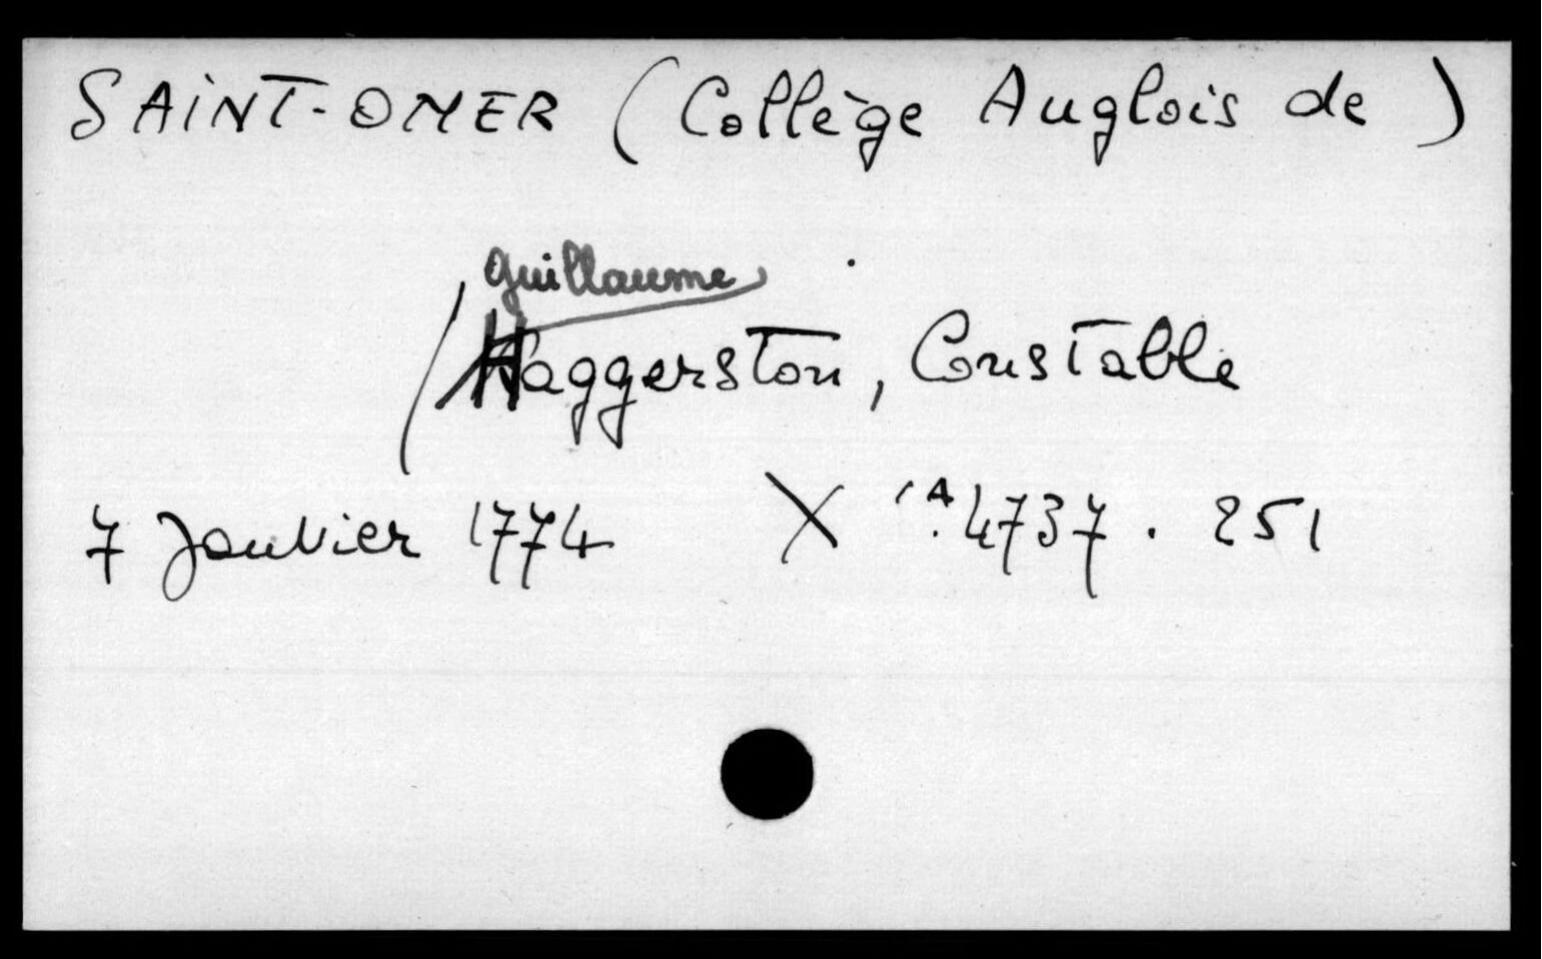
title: SAINT-OMER (Collège Auglois de )
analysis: Contre Guillaume Haggerston, Coristable
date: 7 janvier 1774
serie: X1A
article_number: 4737
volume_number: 251
